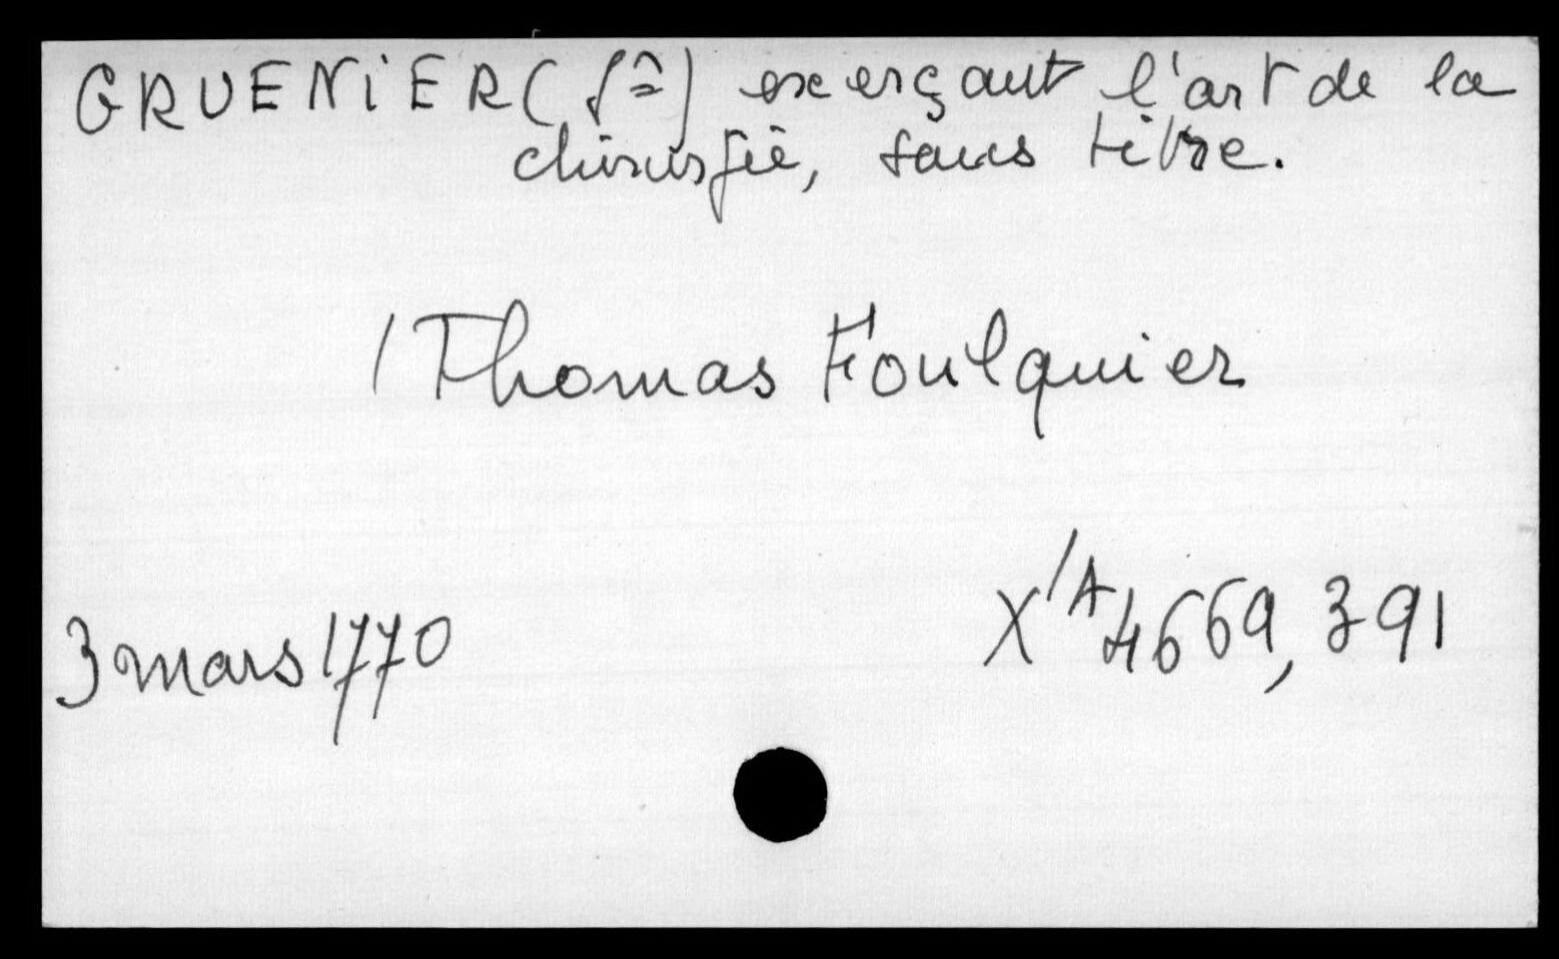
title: GRUENIER (sieur) exerçant l'art de la chirurgie, sans titre
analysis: Contre Thomas Foulquier
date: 3 mars 1770
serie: X1A
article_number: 4669
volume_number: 391
